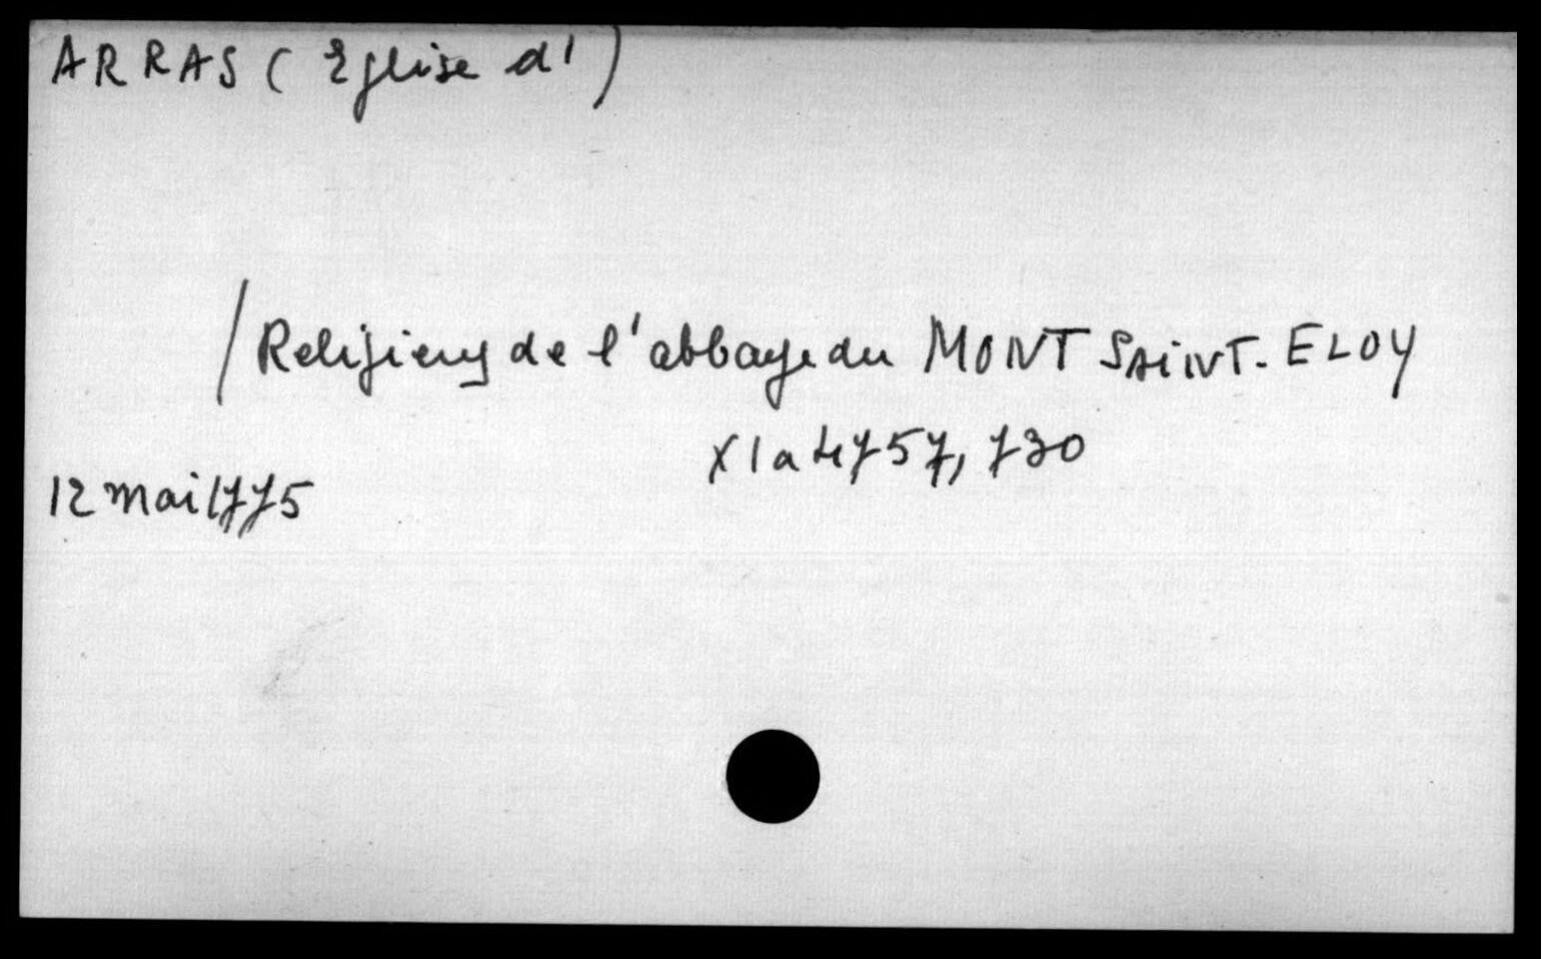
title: ARRAS (Église d')
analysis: Contre Religieux de l'abbaye du MONT SAINT-ELOY
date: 12 mai 1775
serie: X1a
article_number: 4757
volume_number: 730
